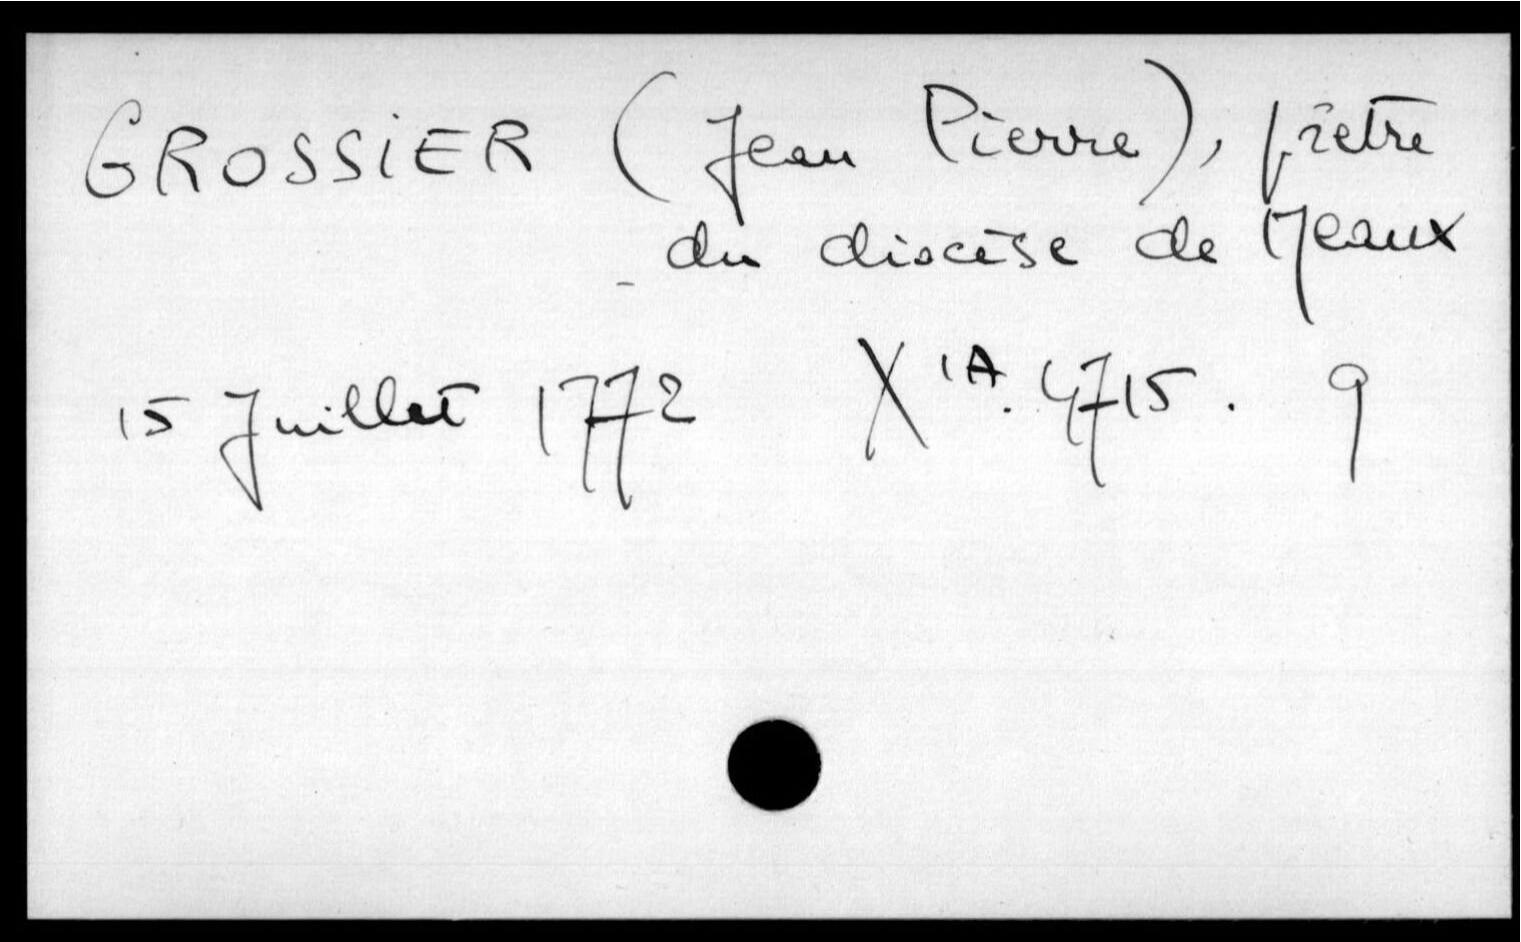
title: GROSSIER (Jean Pierre), prêtre du diocèse de Meaux
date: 15 juillet 1772
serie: X1A
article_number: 4715
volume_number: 9
